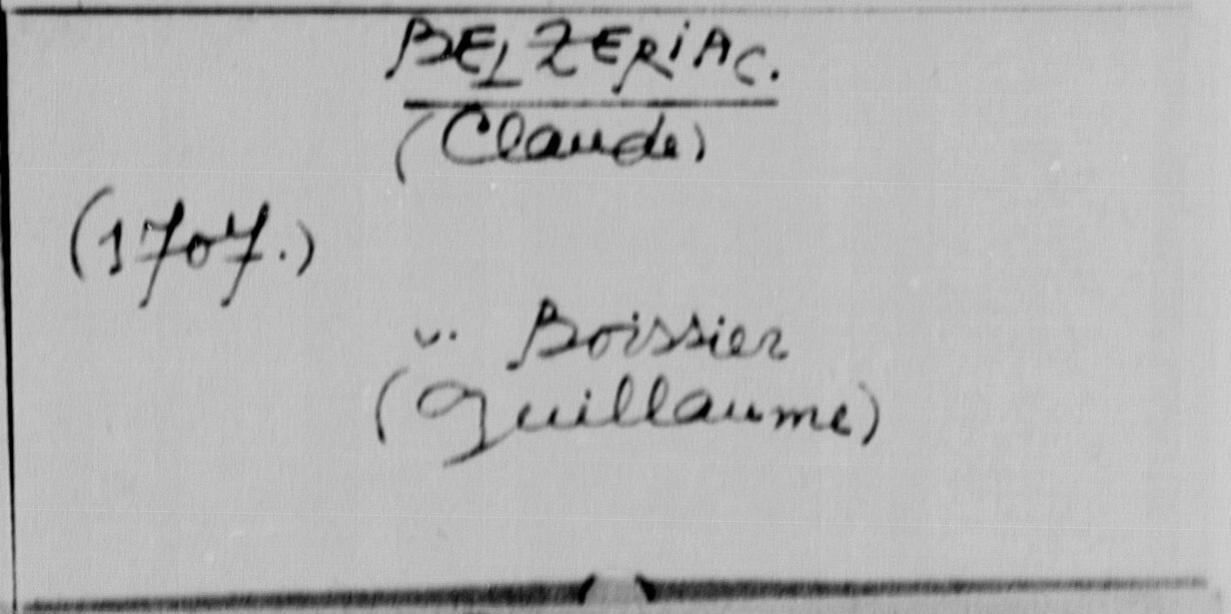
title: BELZERIAC (Claude)
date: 1707
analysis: Voir BOISSIER (Guillaume)
